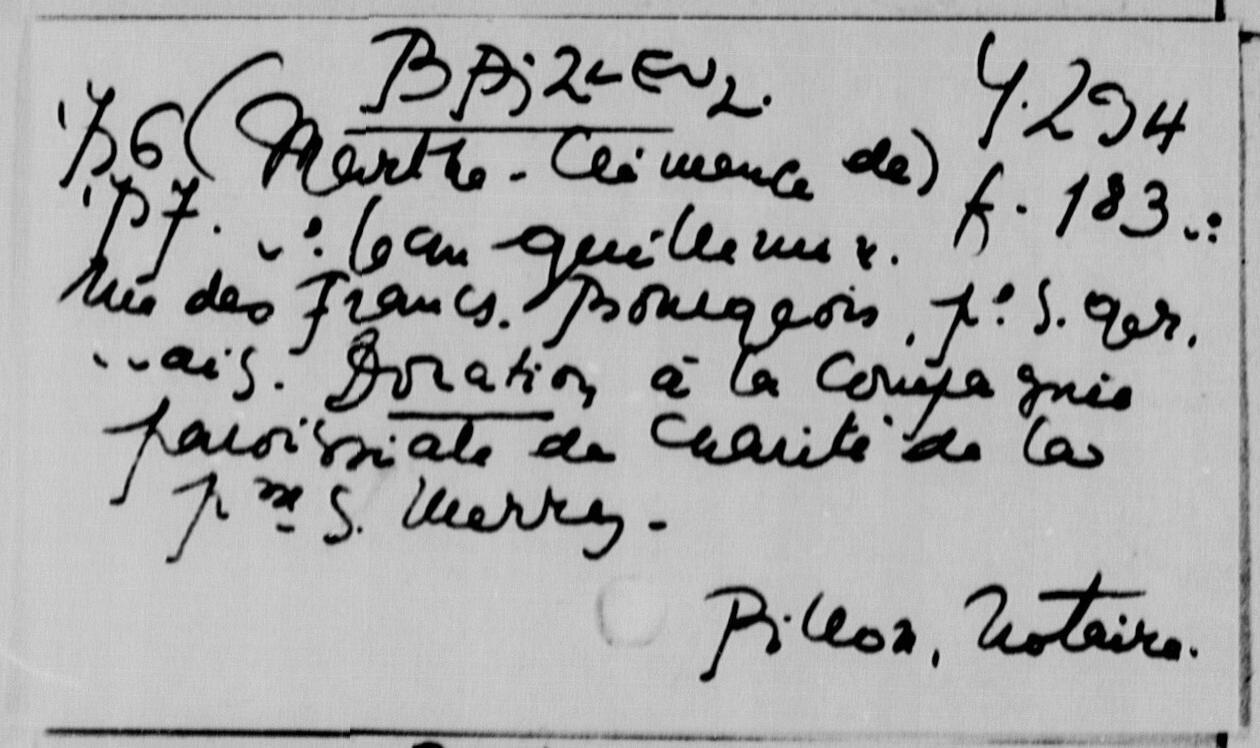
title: BAILLEUL (Marthe-Clémence de)
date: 1716-1717
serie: Y
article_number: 294
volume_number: folio 183v
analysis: Veuve Jean Guillerme, rue des Francs-Bourgeois, paroisse Saint-Gervais Donation à la compagnie paroissiale de charité de la paroisse Saint-Merry. Pillon, notaire
